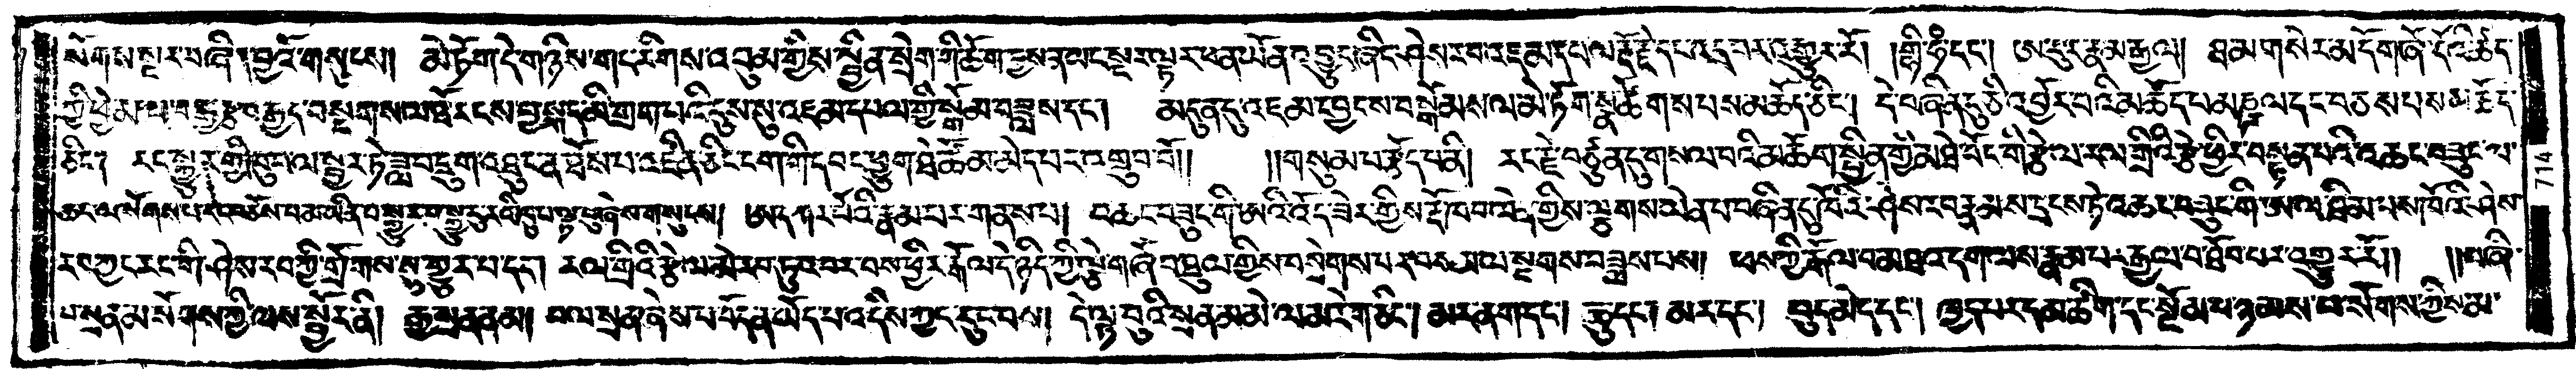སོགས་སྔར་བཞིན་བྱའོ་གསུངས། མེ་ཏོག་དེ་གཉིས་གང་རིགས་འབུམ་གྱིས་སྦྱིན་སྲེག་གི་ཆོས་བྱས་ན་ཡང་སྔར་ལྟར་ཕན་ཡོན་འབྱུང་ཞིང་ཤེས་རབ་འཇམ་དཔལ་རྡོ་རྗེ་དང་འདྲ་པར་འགྱུར་རོ། །གྷི་ཧཾ་དང་། ཨ་རུ་རྣམ་རྒྱལ། ཐམ་གསེར་མདོག་ཞོ་དོའི་ཚད་
ཀྱི་ཕྱེ་མ་ལ་བརྒྱ་རྩ་བརྒྱད་བསྔགས་ལ་ཐོར་ངས་བྱ་སྐད་མི་གྲག་པའི་དུས་སུ་འཇམ་དཔལ་གྱི་སྒོམ་བླས་དང་། མདུན་དུ་འཇམ་དབྱངས་བསྒོམས་ལ་མེ་ཏོག་སྣ་ཚོགས་པས་མཆོད་ཅིང་། དེ་བཞིན་དུ་ཅི་འབྱོར་བའི་མཆོད་པ་མཎྜལ་དང་བཅས་པས་མཆོད་
ཅིང་། རང་སྐྱུར་གྱི་ལུག་ལ་སྦྱར་ཏེ་ཟླ་བ་དྲུག་འཐུང་ན་ཐོས་བ་འཛིན་ཅིང་ངག་གི་དང་དྥྱུག་ཐེ་ཚོམ་མེད་པར་འགྱུབ་བོ།། །།གསུམ་པ་རྩོད་པ་ནི། རང་རྗེ་བཙུན་དུ་གསལ་བའི་མཆོག་སྤྱིན་གྱི་མཐེ་བོད་གི་རྩེལ་རལ་གྲིའི་རྩེ་ཕྱིར་བསྟན་པའི་འཆང་བཟུང་ལ་
ཆང་ལ་སོགས་པ་རང་བཅོས་པ་མ་ཡིན་བསྐྱུར་པ་སྐྱུར་དུ་རའི་ཁུ་པ་ལྟ་བུ་ཞེས་གསུངས། ཨ་དཀར་པོའི་རྣམ་པར་གནས་པ། འཆང་བཟུང་གི་ཨཱི་འོད་ཟེར་གྱིས་རྡོ་ཁབ་ལེན་གྱིས་ལྕགས་ལེན་པ་བཞིན་དུ་ཁོའི་ཤས་རང་རྣམས་དྲངས་ཏེ་འཆད་བཟུང་གི་ཨ་ལ་ཐིམས་ཁོའི་ཤེས་
རབ་ཀྱང་རང་གི་ཤེས་རབ་ཀྱི་གྲོགས་སུ་གྱུར་པ་དང་། རལ་གྲིའི་རྩེལ་མེ་རབ་ཏུ་འབར་བས་ཕྱིར་རྒོལ་དེ་ཉིད་ཀྱི་ལྕེ་གཞོ་ཐུལ་གྱིས་བསྲེགས་པར་བསམ་ལ་སྔགས་བཟླས་པས། ཕས་ཀྱི་རྒོལ་བ་མཐའ་དག་ལས་རྣམ་པར་རྒྱལ་བཟོད་པར་འགྱུར་རོ། །ཞི་
བསྲན་མ་སོགས་ཀྱི་ལས་སྦྱོར་ནི། རྒྱ་སྲན་ནམ། བལ་སྡྲན་ཞེས་པ་བོད་ན་ཡོད་པ་འདིས་ཀྱང་རུང་བས། དེ་ལྟ་བུའི་སྲན་མ་མེ་ལ་མ་རེག་ཅིང་། མར་ནག་དང་། ཆུ་དང་། མར་དང་། བུད་མེད་དང་། ཁྱད་པར་དམ་ཚིག་དང་སྔོམ་པ་ཉམས་པ་སོག་?